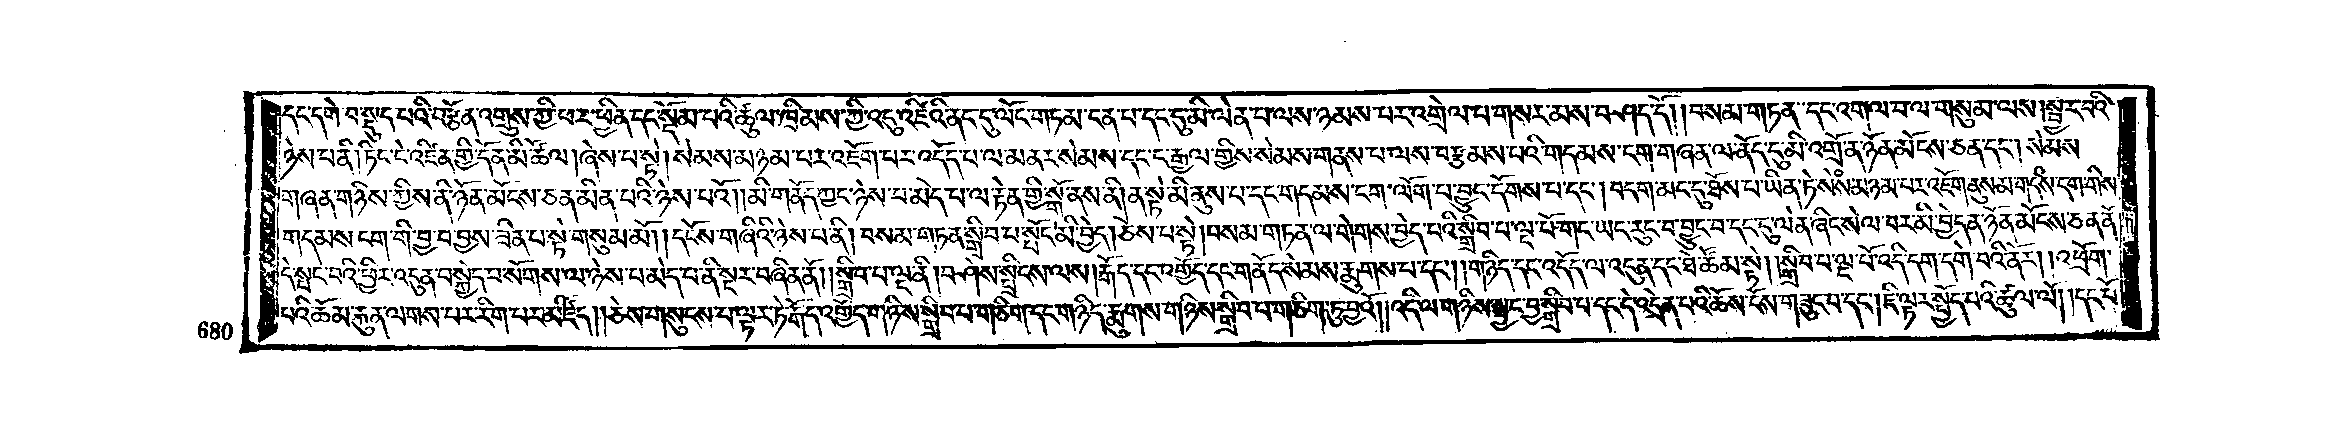དང་དགེ་བ་སྡུད་པའི་བརྩོན་འགྲུས་ཀྱི་ཕར་ཕྱིན་དང་སྡོམ་པའི་ཚུལ་ཁྲིམས་ཀྱི་འདུ་འཛིའི་ནང་དུ་ལོང་གཏམ་ངན་པ་དང་དུ་མི་ལེན་པ་ལས་ཉམས་པར་འགྲེལ་པ་གསར་མས་བཤད་དོ། །བསམ་གཏན་དང་འགལ་བ་ལ་གསུམ་ལས་།སྦྱར་བའི་
ཉེས་པ་ནི། ཏིང་ངེ་འཛིན་གྱི་དོན་མི་ཚོལ། ཞེས་པ་སྟེ། སེམས་མཉམ་པར་འཇོག་པར་འདོད་པ་ལ་མནར་སེམས་དང་ང་རྒྱལ་གྱིས་སེམས་གནས་པ་ལས་བརྩམས་པའི་གདམས་ངག་གཞན་ལ་ནོད་དུ་མི་འགྲོ་ན་ཉོན་མོངས་ཅན་དང་། སེམས་
གཞན་གཉིས་ཀྱིས་ནི་ཉོན་མོངས་ཅན་མིན་པའི་ཉེས་པའོ། །མི་གནོད་ཀྱང་ཉེས་པ་མེད་པ་ལ་རྟེན་གྱི་སྒོ་ནས་ནི། ན་སྟེ་མི་ནུས་པ་དང་གདམས་ངག་ལོག་པ་བྱུང་དོགས་པ་དང་། བདག་མང་དུ་ཐོས་པ་ཡིན་ཏེ་སེམས་མཉམ་པར་འཇོག་ནུས་མ་གདམས་ངག་གིས་
གདམས་ངག་གི་བྱ་བ་བྱས་ཟིན་པ་སྟེ་གསུམ་མོ། །དངོས་གཞིའི་ཉེས་པ་ནི། བསམ་གཏན་སྒྲིབ་པ་སྤོང་མི་བྱེད། ཅེས་པ་སྟེ། བསམ་གཏན་ལ་གེགས་བྱེད་པའི་སྒྲིབ་པ་ལྔ་པོ་གང་ཡང་རུང་བ་བྱུང་བ་དང་དུ་ལེན་ཞིང་སེལ་བར་མི་བྱེད་ན་ཉོན་མོངས་ཅན་ནོ་
དེ་སྤང་བའི་ཕྱིར་འདུན་བསྐྱེད་པ་སོགས་ལ་ཉེས་པ་མེད་པ་ནི་སྔར་བཞིན་ནོ། །སྒྲིབ་པ་ལྔ་ནི། བཤེས་སྤྲིངས་ལས། རྒོད་དང་འགྱོད་དང་གནོད་སེམས་རྨུགས་པ་དང་། །གཉིད་དང་འདོད་ལ་འདུན་དང་ཐེ་ཚོམ་སྟེ། །སྒྲིབ་པ་ལྔ་པོ་འདི་དག་དགེ་བའི་ནོར། །འཕྲོག་
པའི་ཆོམ་རྐུན་ལགས་པར་རིག་པར་མཛོད། །ཅེས་གསུངས་པ་ལྟར་ཏེ་རྒོད་འགྱོད་གཉིས་སྒྲིབ་པ་གཅིག་དང་གཉིད་རྨུགས་གཉིས་སྒྲིབ་པ་གཅིག་ཏུ་བྱའོ། །འདི་ལ་གཉིས་སྦྱང་བྱ་སྒྲིབ་པ་དང་དེ་འདྲེན་པའི་ཆོས་ངོས་གཟུང་བ་དང་། ཇི་ལྟར་སྤྱོད་པའི་ཚུལ་ལོ། །དང་པོ་